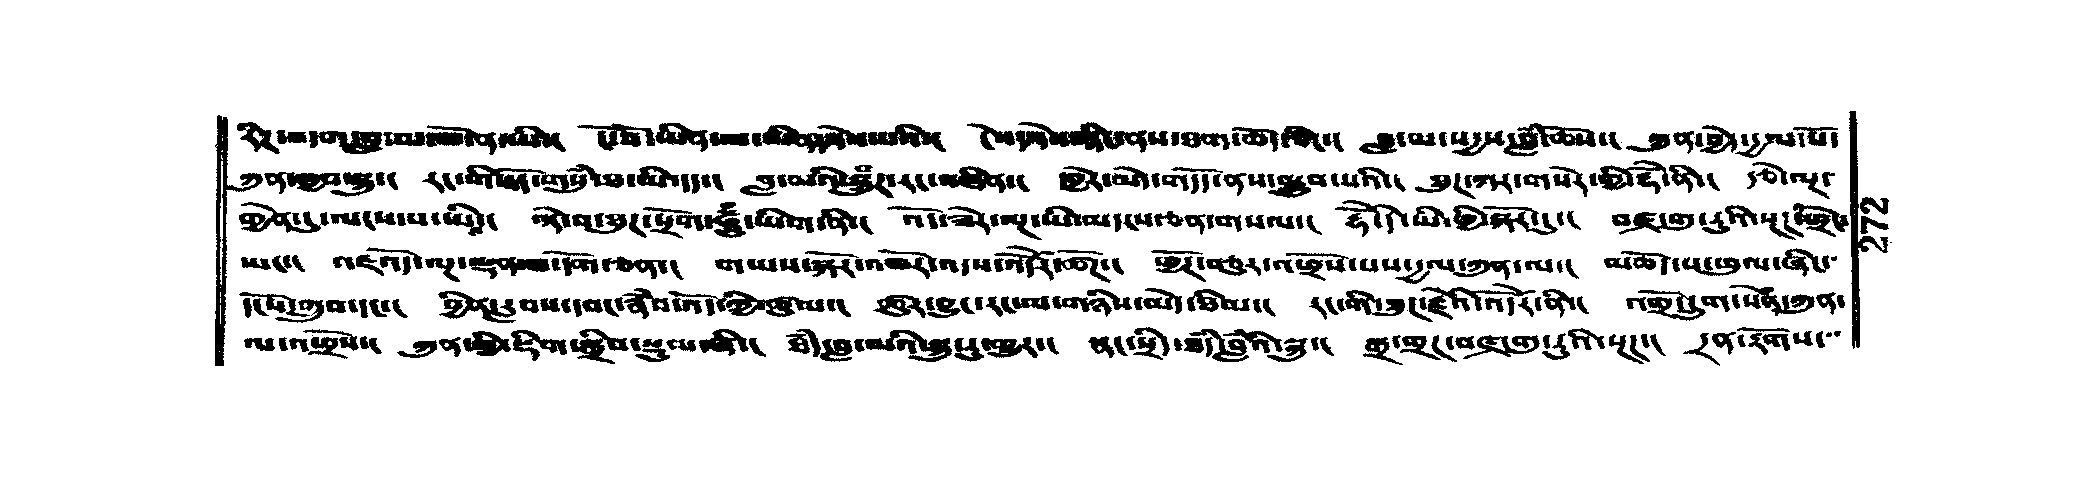།རིགས་བདག་བླ་མ་ཁོ་ན་ཡི། །ངོ་བོ་ཡིན་ལ་ཡིན་ཤེས་པའི། །ངེས་ཤེས་སྙིང་ནས་ཐག་ཆོད་ཅིང་། །བླ་མ་སངས་རྒྱས་བླ་མ་ཆོས། །ཀུན་བྱེད་རྒྱལ་པོ་
ཀུན་ཁྱབ་སྐུ། །རང་གི་སྒོ་གསུམ་ཐ་མི་དད། །བླ་མའི་སྐུ་གསུང་ཐུགས་རང་བཞིན། །དབྱེར་མེད་གདོད་ནས་ལྷུན་གྲུབ་པའི། །ཐུགས་ཀར་གསེར་གྱི་རྡོ་རྗེ་ནི། །རྩེ་ལྔ་
གྱེན་དུ་ལངས་པ་ཡིས། །ལྟེ་བ་ཐུགས་སྲོག་ཧཱུྃ་ཡིག་ནི། །འོད་ཟེར་ལྔ་ཡི་མདངས་ཅན་གསལ། །རྡོ་རྗེ་དེ་ཡི་ཕྱི་སྐོར་དུ། །བཛྲ་གུ་རུའི་སྔགས་འཕྲེང་
ཡང་། །འཇའ་འོད་ལྔ་ལྡན་ཁ་དོག་ཅན། །གཡས་སྐོར་འཁོར་འདས་འོད་ཟེར་ཚོགས། །ཕྱོགས་བཅུར་འཕྲོས་པས་རྒྱལ་ཀུན་ལ། །མཆོད་པ་ཕུལ་ཞིང་
དངོས་གྲུབ་དང་། །བྱིན་རླབས་དབང་རྣམས་འོད་ཀྱི་ཚུལ། །ཚུར་བྱུང་རང་ལ་གཉིས་མེད་ཐིམ། །རང་གི་ཐུགས་རྗེའི་འོད་ཟེར་ནི། །འགྲོ་དྲུག་སེམས་ཅན་ཀུན་
ལ་འཕྲོས། །ཀུན་གྱི་སྡིག་སྒྲིབ་སྡུག་བསྔལ་ཞི། །ཐམས་ཅད་བླ་མའི་སྐུ་རུ་གྱུར། །སྣང་སྲིད་ཐམས་ཅད་བླ་མའི་སྐུ། །སྒྲ་གྲགས་བཛྲ་གུ་རུའི་སྔགས། །དྲན་རྟོག་